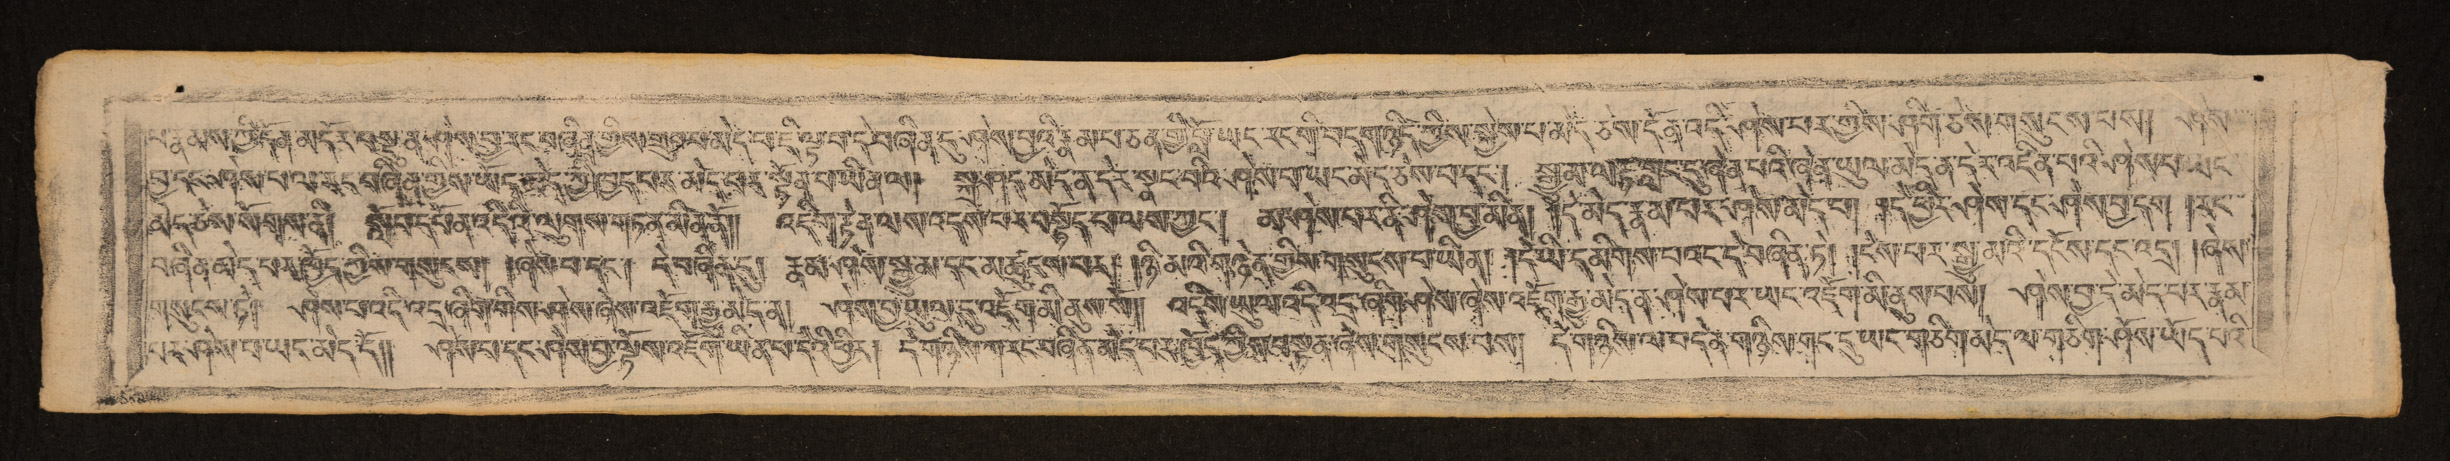པ་རྣམས་ཀྱི་དོན་མདོར་བསྡུ་ན་ཤེས་བྱ་རང་བཞིན་གྱིས་གྲུབ་པ་མེད་པ་ཇི་ལྟ་བ་དེ་བཞིན་དུ་ཤེས་བྱའི་རྣམ་པ་ཅན་གྱི་བློ་ཡང་རང་གི་བདག་ཉིད་ཀྱིས་སྐྱེ་བ་མེད་ཅེས་དོན་འདི་ཤེས་པར་གྱིས་ཤིག་གཅེས་གསུངས་པས། ཤེས་
བྱ་དང་ཤེས་པ་ལ་རང་བཞིན་གྱིས་ཡོད་མེད་ཀྱི་ཁྱད་པར་མེད་པར་སྟོན་པ་ཡིན་ལ། སྐྲ་ཤད་མེད་ན་དེར་སྣང་བའི་ཤེས་པ་ཡང་མེད་ཅེས་པ་དང་། སྒྱུ་མ་ལ་རྟ་གླང་དུ་ཞེན་པའི་ཞེན་ཡུལ་མེད་ན་དེར་འཛིན་པའི་ཤེས་པ་ཡང་
མེད་ཅེས་སོགས་ནི། སློབ་དཔོན་འདིའི་ལུགས་གཏན་མིན་ནོ།། འཇིག་རྟེན་ལས་འདས་པར་བསྟོད་པ་ལས་ཀྱང་། མ་ཤེས་པར་ནི་ཤེས་བྱ་མིན། །དེ་མེད་རྣམ་པར་ཤེས་མེད་པ། །དེ་ཕྱིར་ཤེས་དང་ཤེས་བྱ་དག །རང་
བཞིན་མེད་པར་ཁྱོད་ཀྱིས་གསུངས། །ཞེས་པ་དང་། དེ་བཞིན་དུ། རྣམ་ཤེས་སྒྱུ་མ་དང་མཚུངས་པར། །ཉི་མའི་གཉེན་གྱིས་གསུངས་པ་ཡིན། །དེ་ཡི་དམིགས་པའང་དེ་བཞིན་ཏེ། །ངེས་པར་སྒྱུ་མའི་དངོས་དང་འདྲ། །ཞེས་
གསུངས་ཏེ། ཤེས་པ་འདི་འདྲ་ཞིག་གིས་ཞེས་འཇོག་རྒྱུ་མེད་ན། ཤེས་བྱ་ཡུལ་དུ་འཇོག་མི་ནུས་སོ།། འདིས་ཡུལ་འདི་འདྲ་ཞིག་ཤེས་ཞེས་འཇོག་རྒྱུ་མེད་ན་ཤེས་པར་ཡང་འཇོག་མི་ནུས་པས། ཤེས་བྱ་དེ་མེད་པར་རྣམ་
པར་ཤེས་པ་ཡང་མེད་དོ།། ཤེས་པ་དང་ཤེས་བྱ་ལྟོས་འཇོག་ཡིན་པ་དེའི་ཕྱིར། དེ་གཉིས་ཀ་རང་བཞིན་མེད་པར་ཁྱོད་ཀྱིས་བསྟན་ཞེས་གསུངས་པས། དེ་གཉིས་ལ་བདེན་གཉིས་གང་དུ་ཡང་གཅིག་མེད་ལ་གཅིག་ཤོས་ཡོད་པའི་